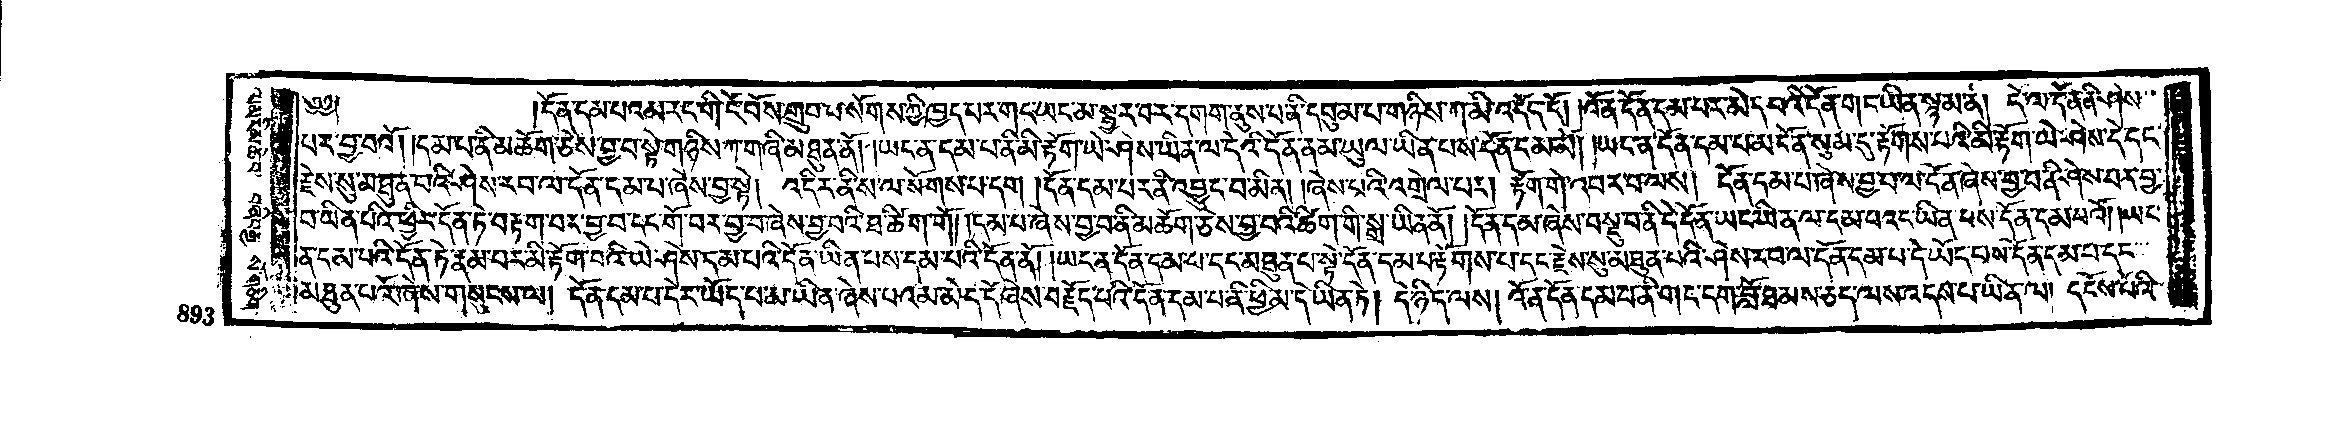༄༅། །དོན་དམ་པའམ་རང་གི་ངོ་བོས་གྲུབ་པ་སོགས་ཀྱི་ཁྱད་པར་གང་ཡང་མ་སྦྱར་བར་དགག་ནུས་པ་ནི་དབུ་མ་པ་གཉིས་ཀ་མི་འདོད་དོ། །འོ་ན་དོན་དམ་པར་མེད་པའི་དོན་གང་ཡིན་སྙམ་ན། དེ་ལ་དོན་ནི་ཤེས་
བར་བྱ་བའོ། །དམ་པ་ནི་མཆོག་ཅེས་བྱ་བ་སྟེ་གཉིས་ཀ་གཞི་མཐུན་ནོ། །ཡང་ན་དམ་པ་ནི་མི་རྟོག་ཡེ་ཤེས་ཡིན་ལ་དེའི་དོན་ནམ་ཡུལ་ཡིན་པས་དོན་དམ་མོ། །ཡང་ན་དོན་དམ་པ་མངོན་སུམ་དུ་རྟོགས་པའི་མི་རྟོག་ཡེ་ཤེས་དེ་དང་
རྗེས་སུ་མཐུན་པའི་ཤེས་རབ་ལ་དོན་དམ་པ་ཞེས་བྱ་སྟེ། འདིར་ནི་ས་ལ་སོགས་པ་དག །དོན་དམ་པར་ནི་འབྱུང་བ་མིན། །ཞེས་པའི་འགྲེལ་པར། རྟོག་གེ་འབར་བ་ལས། དོན་དམ་པ་ཞེས་བྱ་བ་ལ་དོན་ཞེས་བྱ་བ་ནི་ཤེས་པར་བྱ་
བ་ཡིན་པའི་ཕྱིར་དོན་ཏེ་བརྟག་པར་བྱ་བ་དང་གོ་བར་བྱ་བ་ཞེས་བྱ་བའི་ཐ་ཚིག་གོ ། །དམ་པ་ཞེས་བྱ་བ་ནི་མཆོག་ཅེས་བྱ་བའི་ཚིག་གི་སྒྲ་ཡིན་ནོ། །དོན་དམ་ཞེས་བསྡུ་བ་ནི་དེ་དོན་ཡང་ཡིན་ལ་དམ་པའང་ཡིན་པས་དོན་དམ་པའོ། །ཡང་
ན་དམ་པའི་དོན་ཏེ་རྣམ་པར་མི་རྟོག་པའི་ཡེ་ཤེས་དམ་པའི་དོན་ཡིན་པས་དམ་པའི་དོན་ནོ། །ཡང་ན་དོན་དམ་པ་དང་མཐུན་པ་སྟེ་དོན་དམ་པ་རྟོགས་པ་དང་རྗེས་སུ་མཐུན་པའི་ཤེས་རབ་ལ་དོན་དམ་པ་དེ་ཡོད་པས་དོན་དམ་པ་དང་
མཐུན་པའོ་ཞེས་གསུངས་ལ། དོན་དམ་པ་དེར་ཡོད་པ་མ་ཡིན་ཞེས་པའམ་མེད་དོ་ཞེས་བརྗོད་པའི་དོན་དམ་པ་ནི་ཕྱི་མ་དེ་ཡིན་ཏེ། དེ་ཉིད་ལས། འོ་ན་དོན་དམ་པ་ནི་གང་དག་བློ་ཐམས་ཅད་ལས་འདས་པ་ཡིན་ལ། དངོས་པོའི་